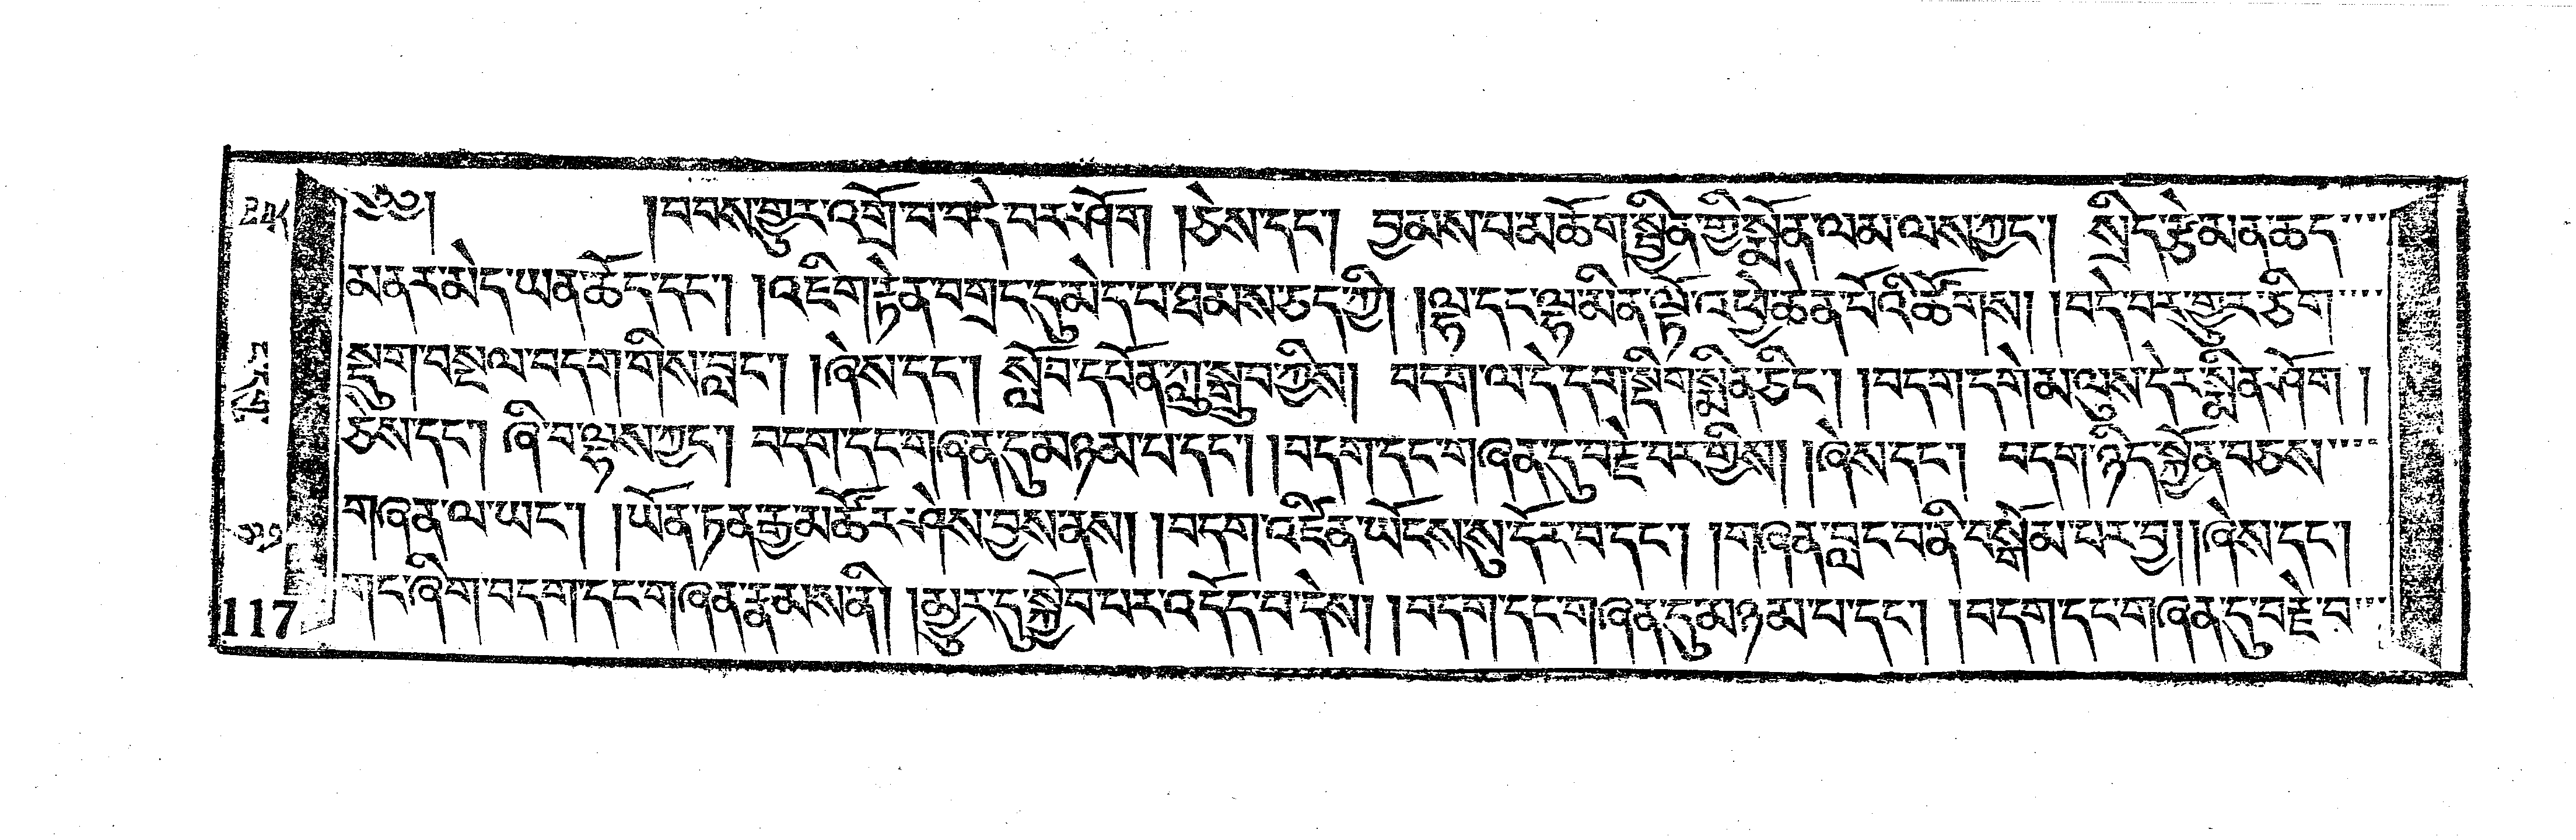༄༅། །བབས་གྱུར་འགྲོ་བ་བདེ་བར་ཤོག །ཅེས་དང་། བྱམས་པ་མཆོག་སྦྱིན་གྱི་སྨོན་ལམ་ལས་ཀྱང་། སྲིད་རྩེ་མན་ཆད་
མནར་མེད་ཡན་ཆོད་དང་། །འཇིག་རྟེན་བགྲང་དུ་མེད་པ་ཐམས་ཅད་ཀྱི། །ལྷ་དང་ལྷ་མིན་ལྟོ་འཕྱེ་ཆེན་པོའི་ཚོགས། །བདེ་བར་གྱུར་ཅིག་
སྡུག་བསྔལ་བདག་གིས་བླང་། །ཞེས་དང་། སློབ་དཔོན་ཀླུ་སྒྲུབ་ཀྱིས། བདག་ལ་དེ་དག་སྡིག་སྨིན་ཅིང་། །བདག་དགེ་མ་ལུས་དེར་སྨིན་ཤོག །
ཅེས་དང་། ཞི་བ་ལྷས་ཀྱང་། བདག་དང་གཞན་དུ་མཉམ་པ་དང་། །བདག་དང་གཞན་དུ་བརྗེ་བར་གྱིས། །ཞེས་དང་། བདག་ཉིད་སྐྱོན་བཅས་
གཞན་ལ་ཡང་། །ཡོན་ཏན་རྒྱ་མཚོར་ཤེས་བྱས་ནས། །བདག་འཛིན་ཡོངས་སུ་དོར་བ་དང་། །གཞན་བླང་བ་ནི་བསྒོམ་པར་བྱ། །ཞེས་དང་།
གང་ཞིག་བདག་དང་གཞན་རྣམས་ནི། །མྱུར་དུ་སྐྱོབ་པར་འདོད་པ་དེས། །བདག་དང་གཞན་དུ་མཉམ་པ་དང་། །བདག་དང་གཞན་དུ་བརྗེ་བ་